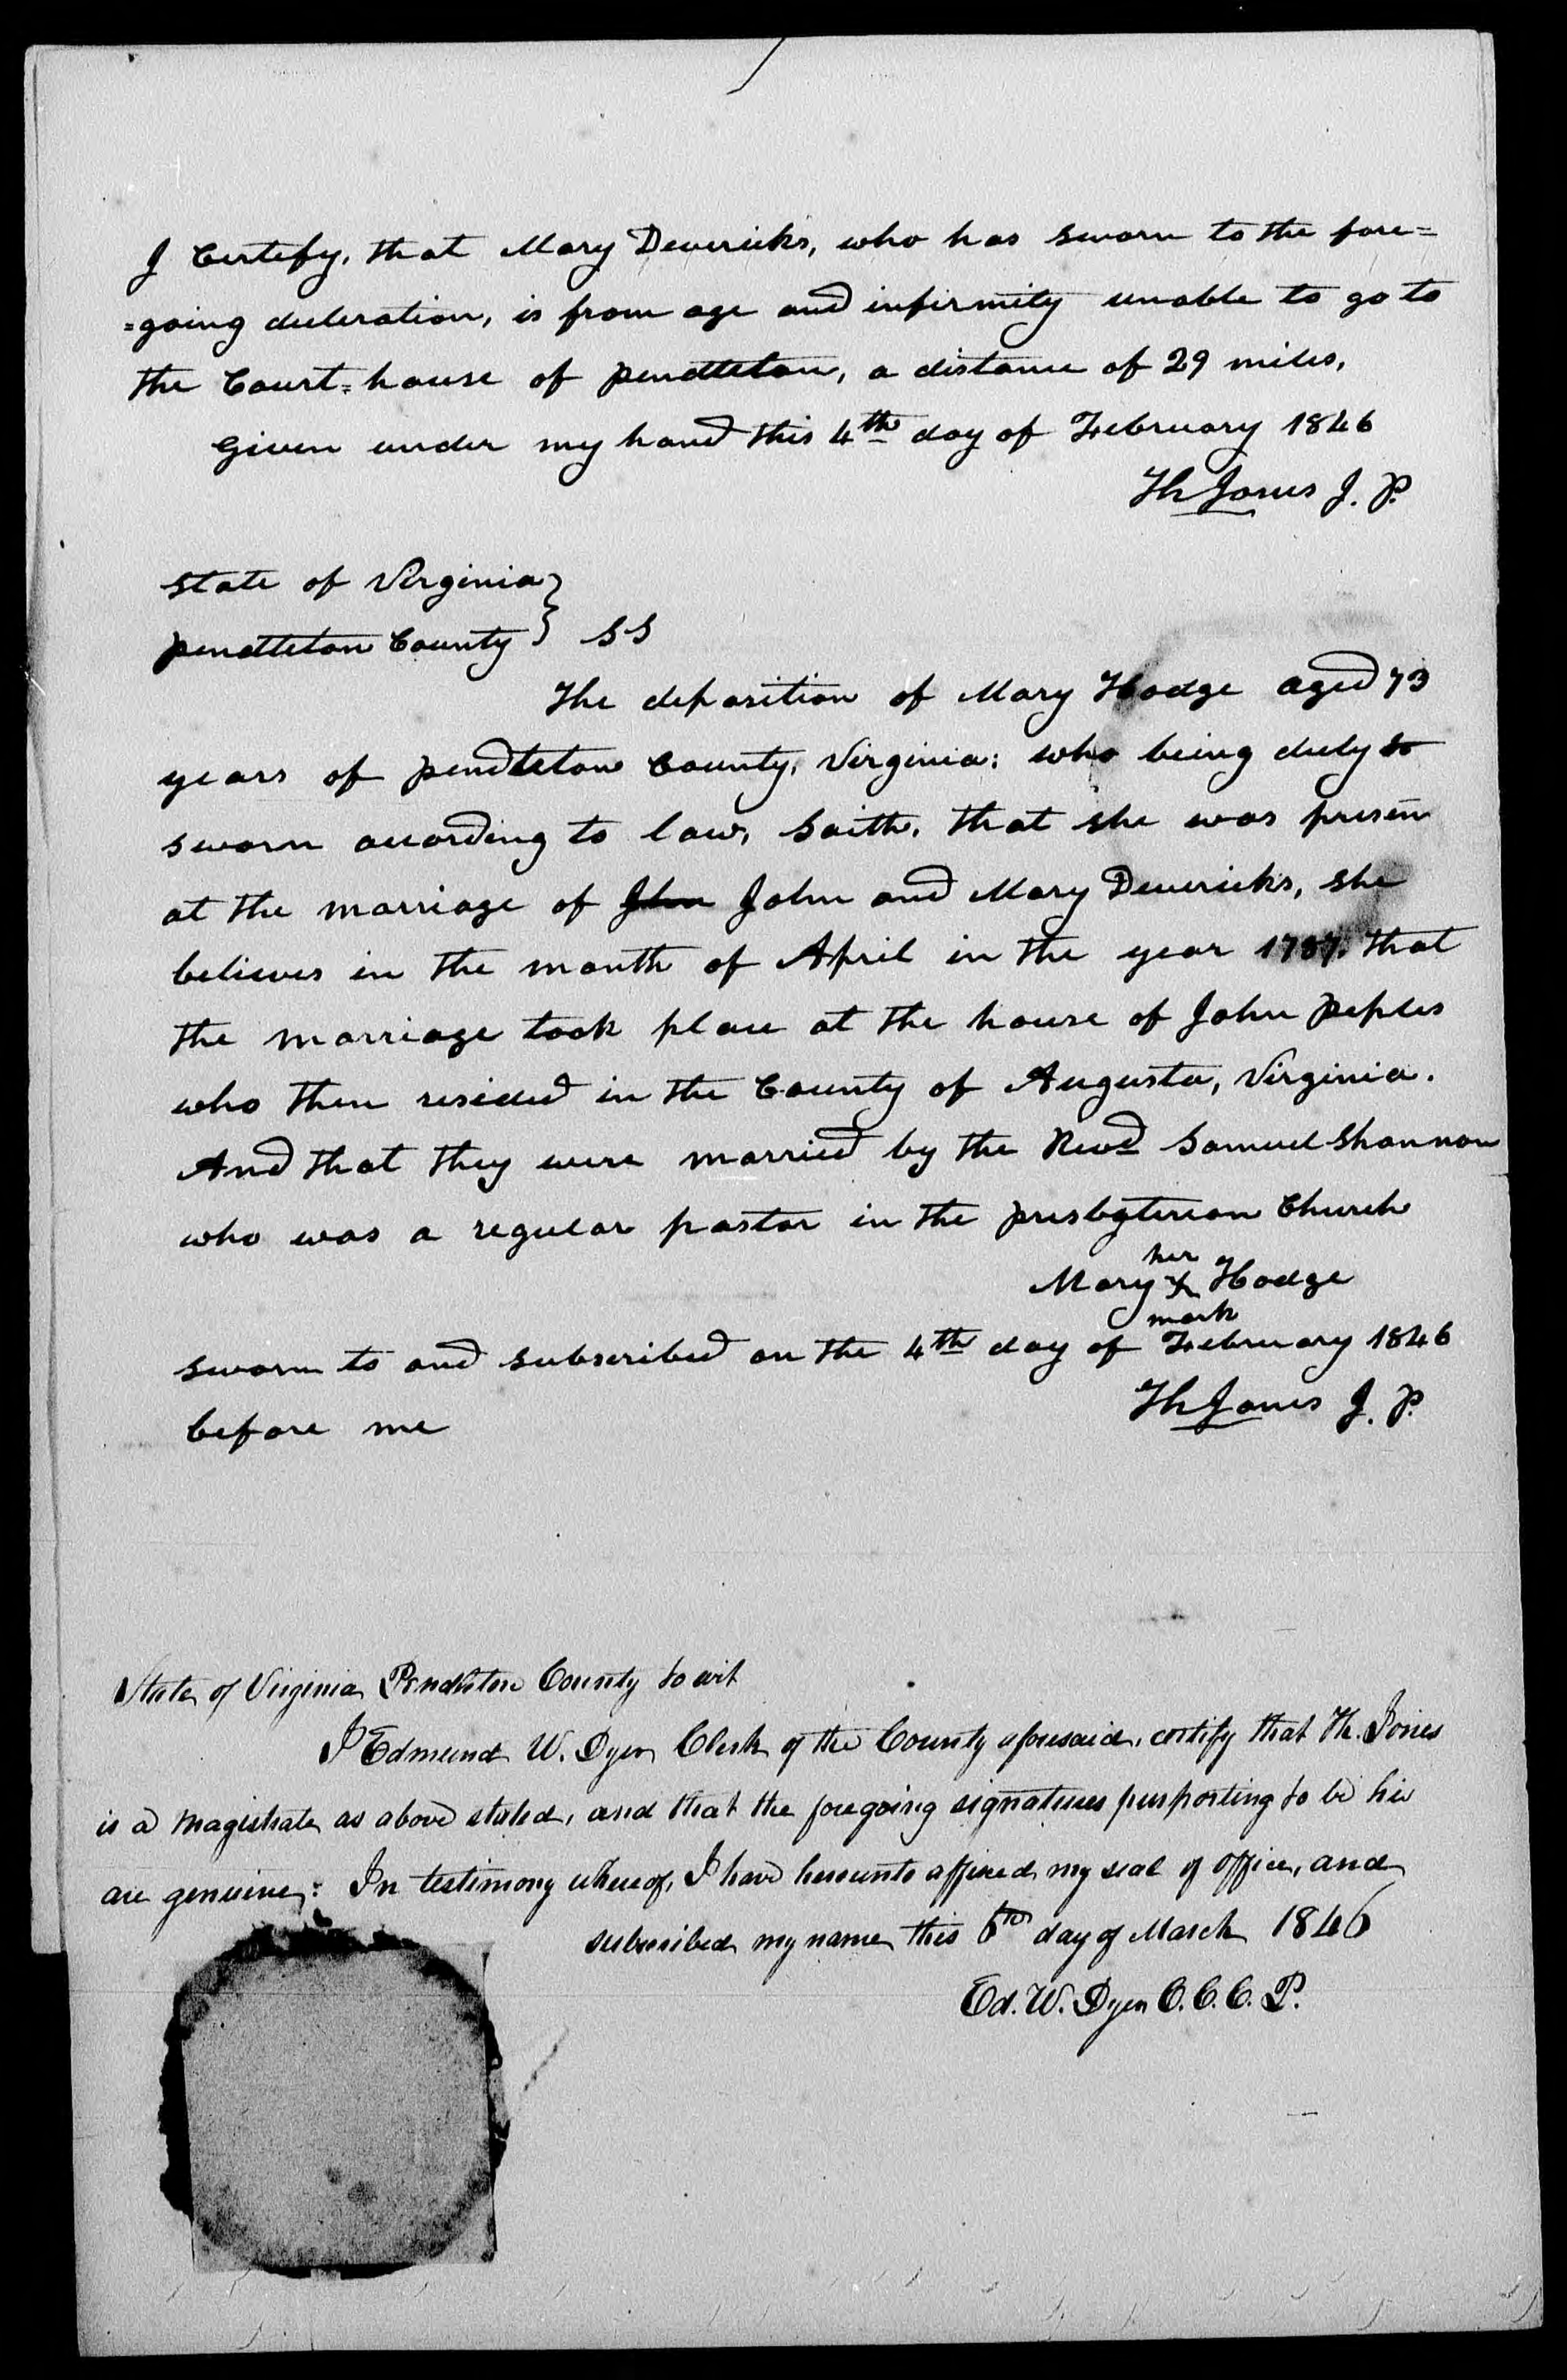I certify, that Mary Devericks, who has sworn to the forgoing declaration, is from age and infirmity unable to go to the Court house of Pendleton, a distance of 29 miles,

Given under my hand this 4th day of February 1846

Th Jones J. P.

State of Virginia Pendleton County } [illegible]

The deposition of Mary Hodge aged 73 years of Pendleton County, Virginia: who being duly [illegible] sworn according to law, saith, that she was [illegible] at the marriage of [John crossed out] John and Mary Devericks, she believes in the month of April in the year 1787. That the marriage took place at the house of John Peples who then resided in the County of Augusta, Virginia. And that they were married by the Rev Samuel Shannon who was a regular pastor in the presbyterian church

her
Mary X Hodge
mark

Sworn to and subscribed on the 4th day of February 1846 before me
Th Jones J. P.

State of Virginia Pendleton County to wit
I Edmund W. Dyer Clerk of the County aforesaid, certify that Th. Jones is a magistrate as above stated, and that the foregoing signatures purporting to be his are genuine: In testimony whereof, I have hereunto affixed my seal of office, and subscribed my name this 6th day of March 1846

Ed. W. Dyer C. C. C. P.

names: Mary Devericks, Th Jones, Mary Hodge, John Peples, Edward W Dyer, Ed W Dyer, Mary Devericks, Mary Hodge, Th Jones, John Devericks, Th Jones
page: 9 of 35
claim: widow's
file: W 7007, John Devericks, Va.